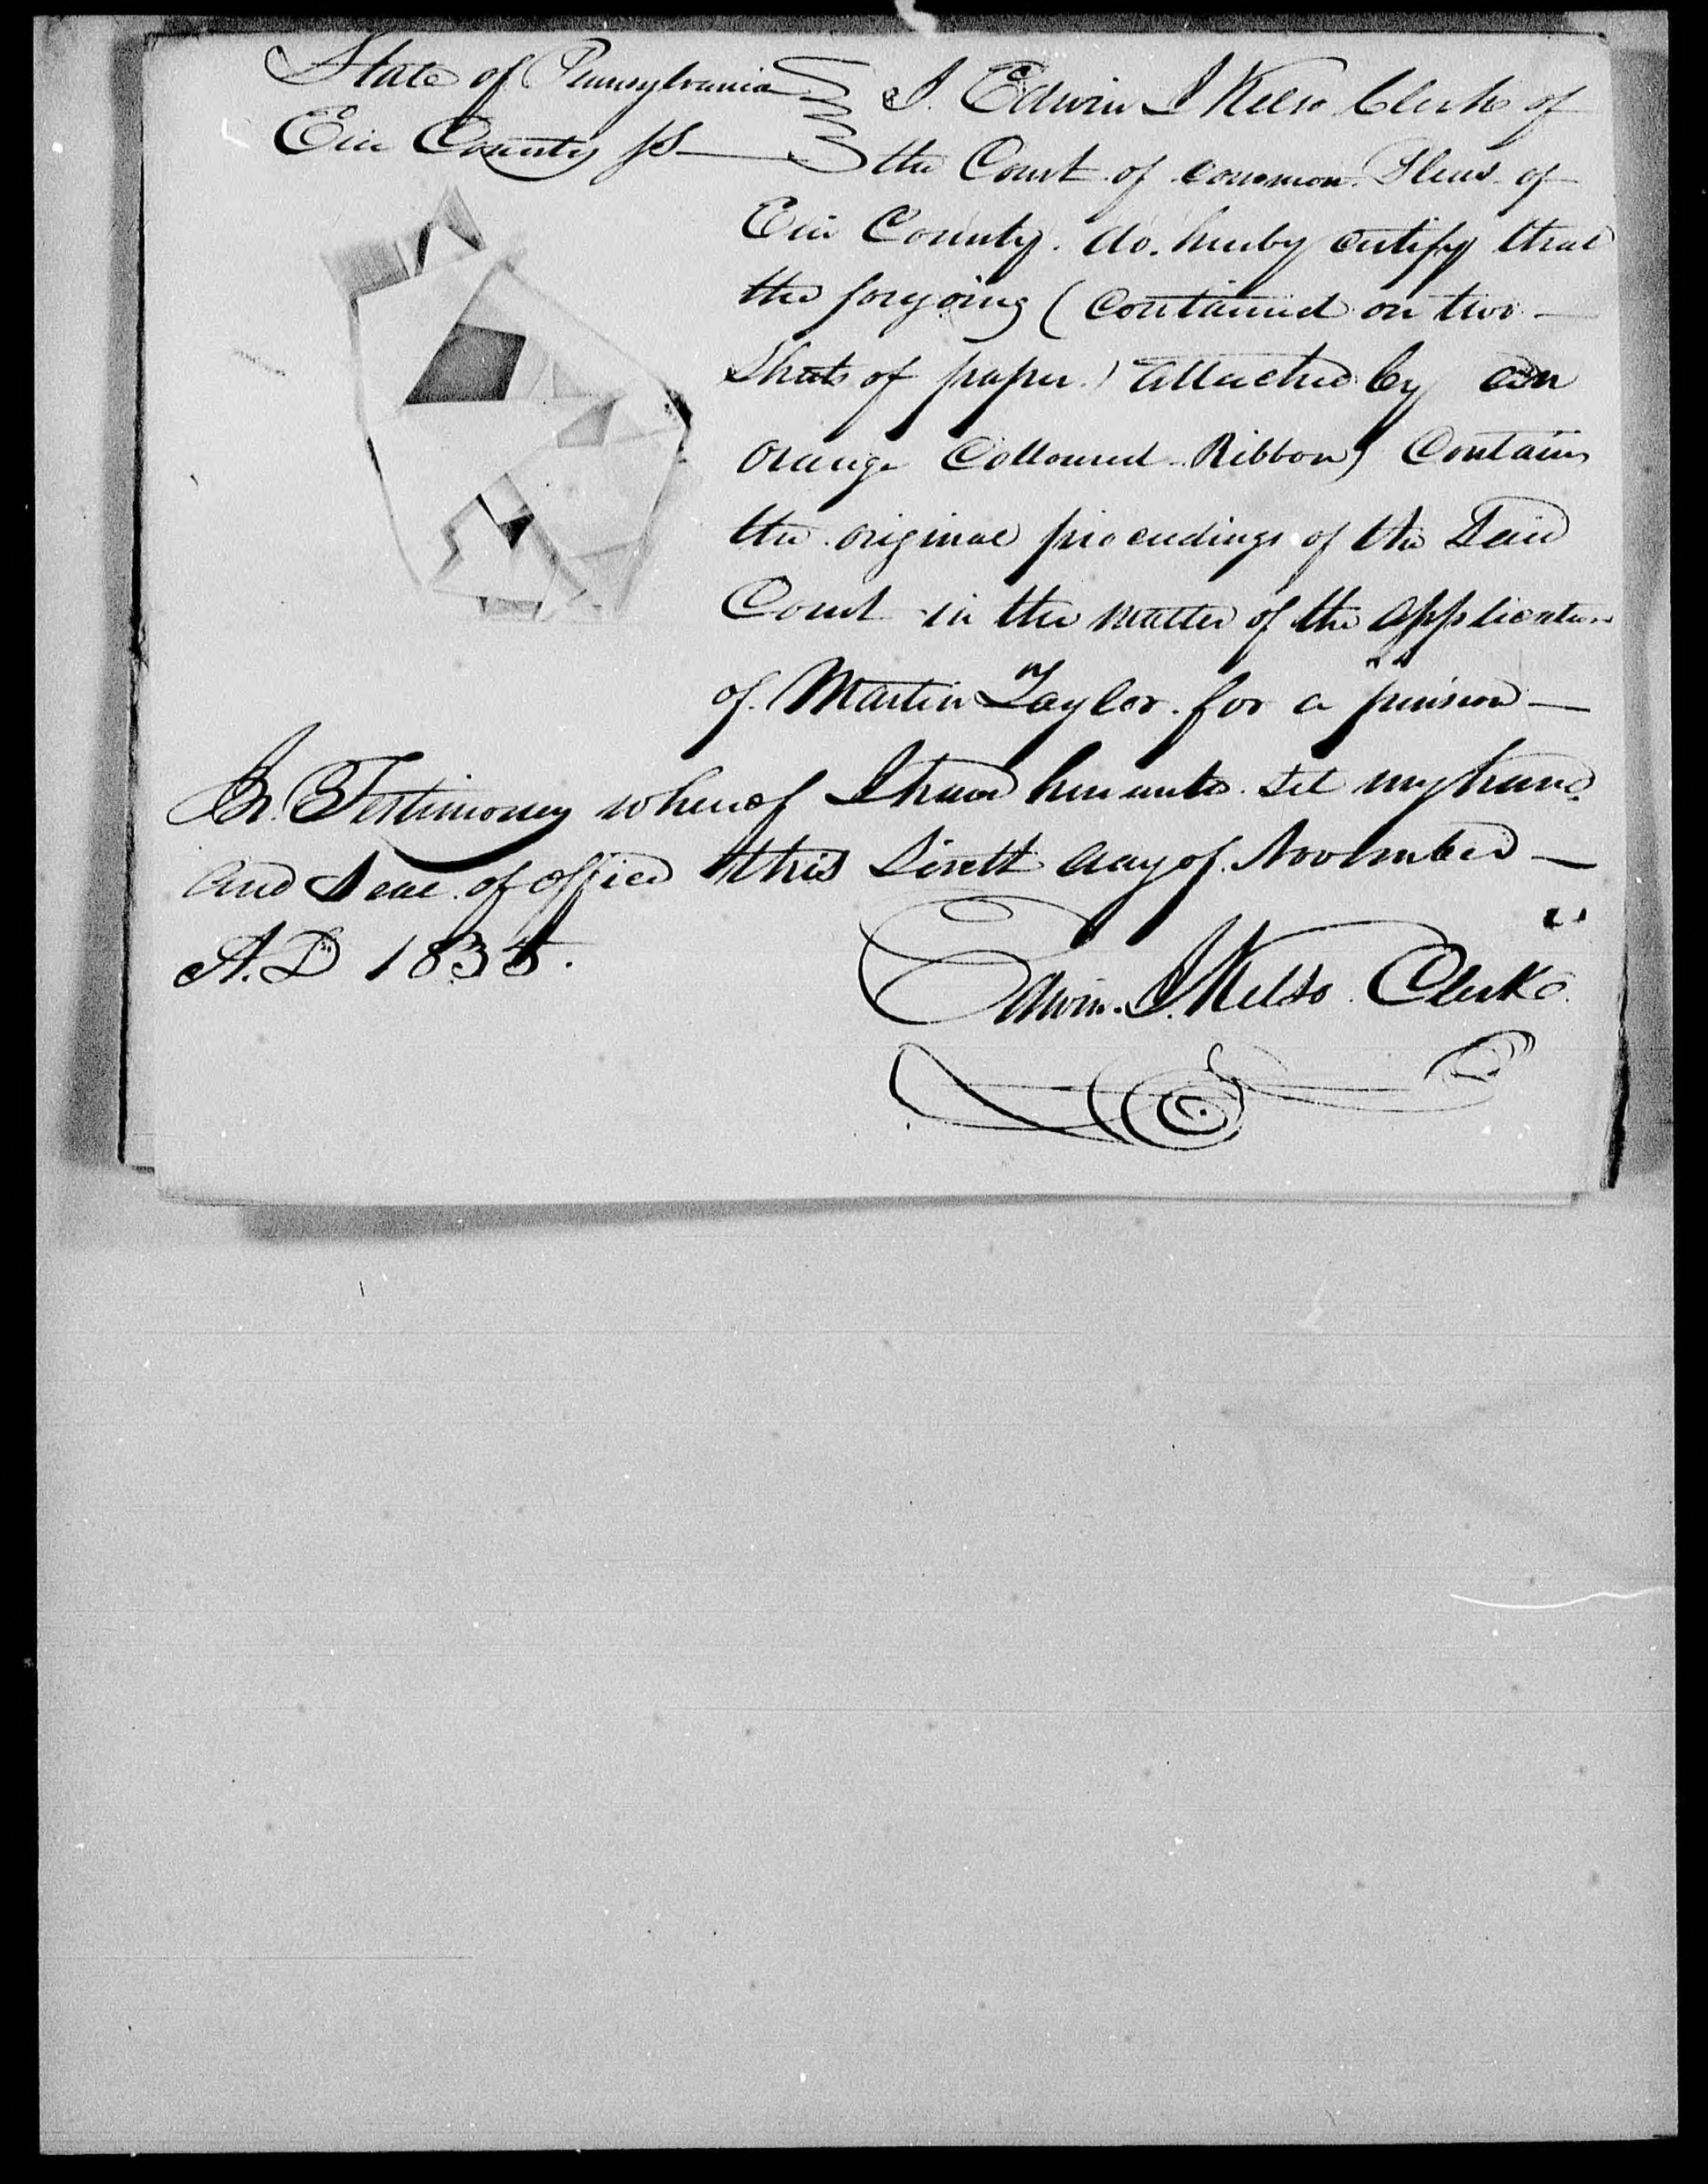State of Pennsylvania
Erie County ss.

I Edwin J Kelso Clerk of the Court of Common Pleas of Erie County do hereby certify that the foregoing (continued on two sheets of paper attached by an orange colloured ribbon) contains the original proceedings of this said Court in the matter of the application of Martin Taylor for a pension.

In testimony whereof I have hereunto set my hand and seal of office this sixth day of November AD 1835.

Edwin J Kelso Clerk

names: Edwin J Kelso; Edwin J Kelso; Martin Taylor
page: 10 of 13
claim: rejected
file: R 10420, for Martin Tayler, Connecticut